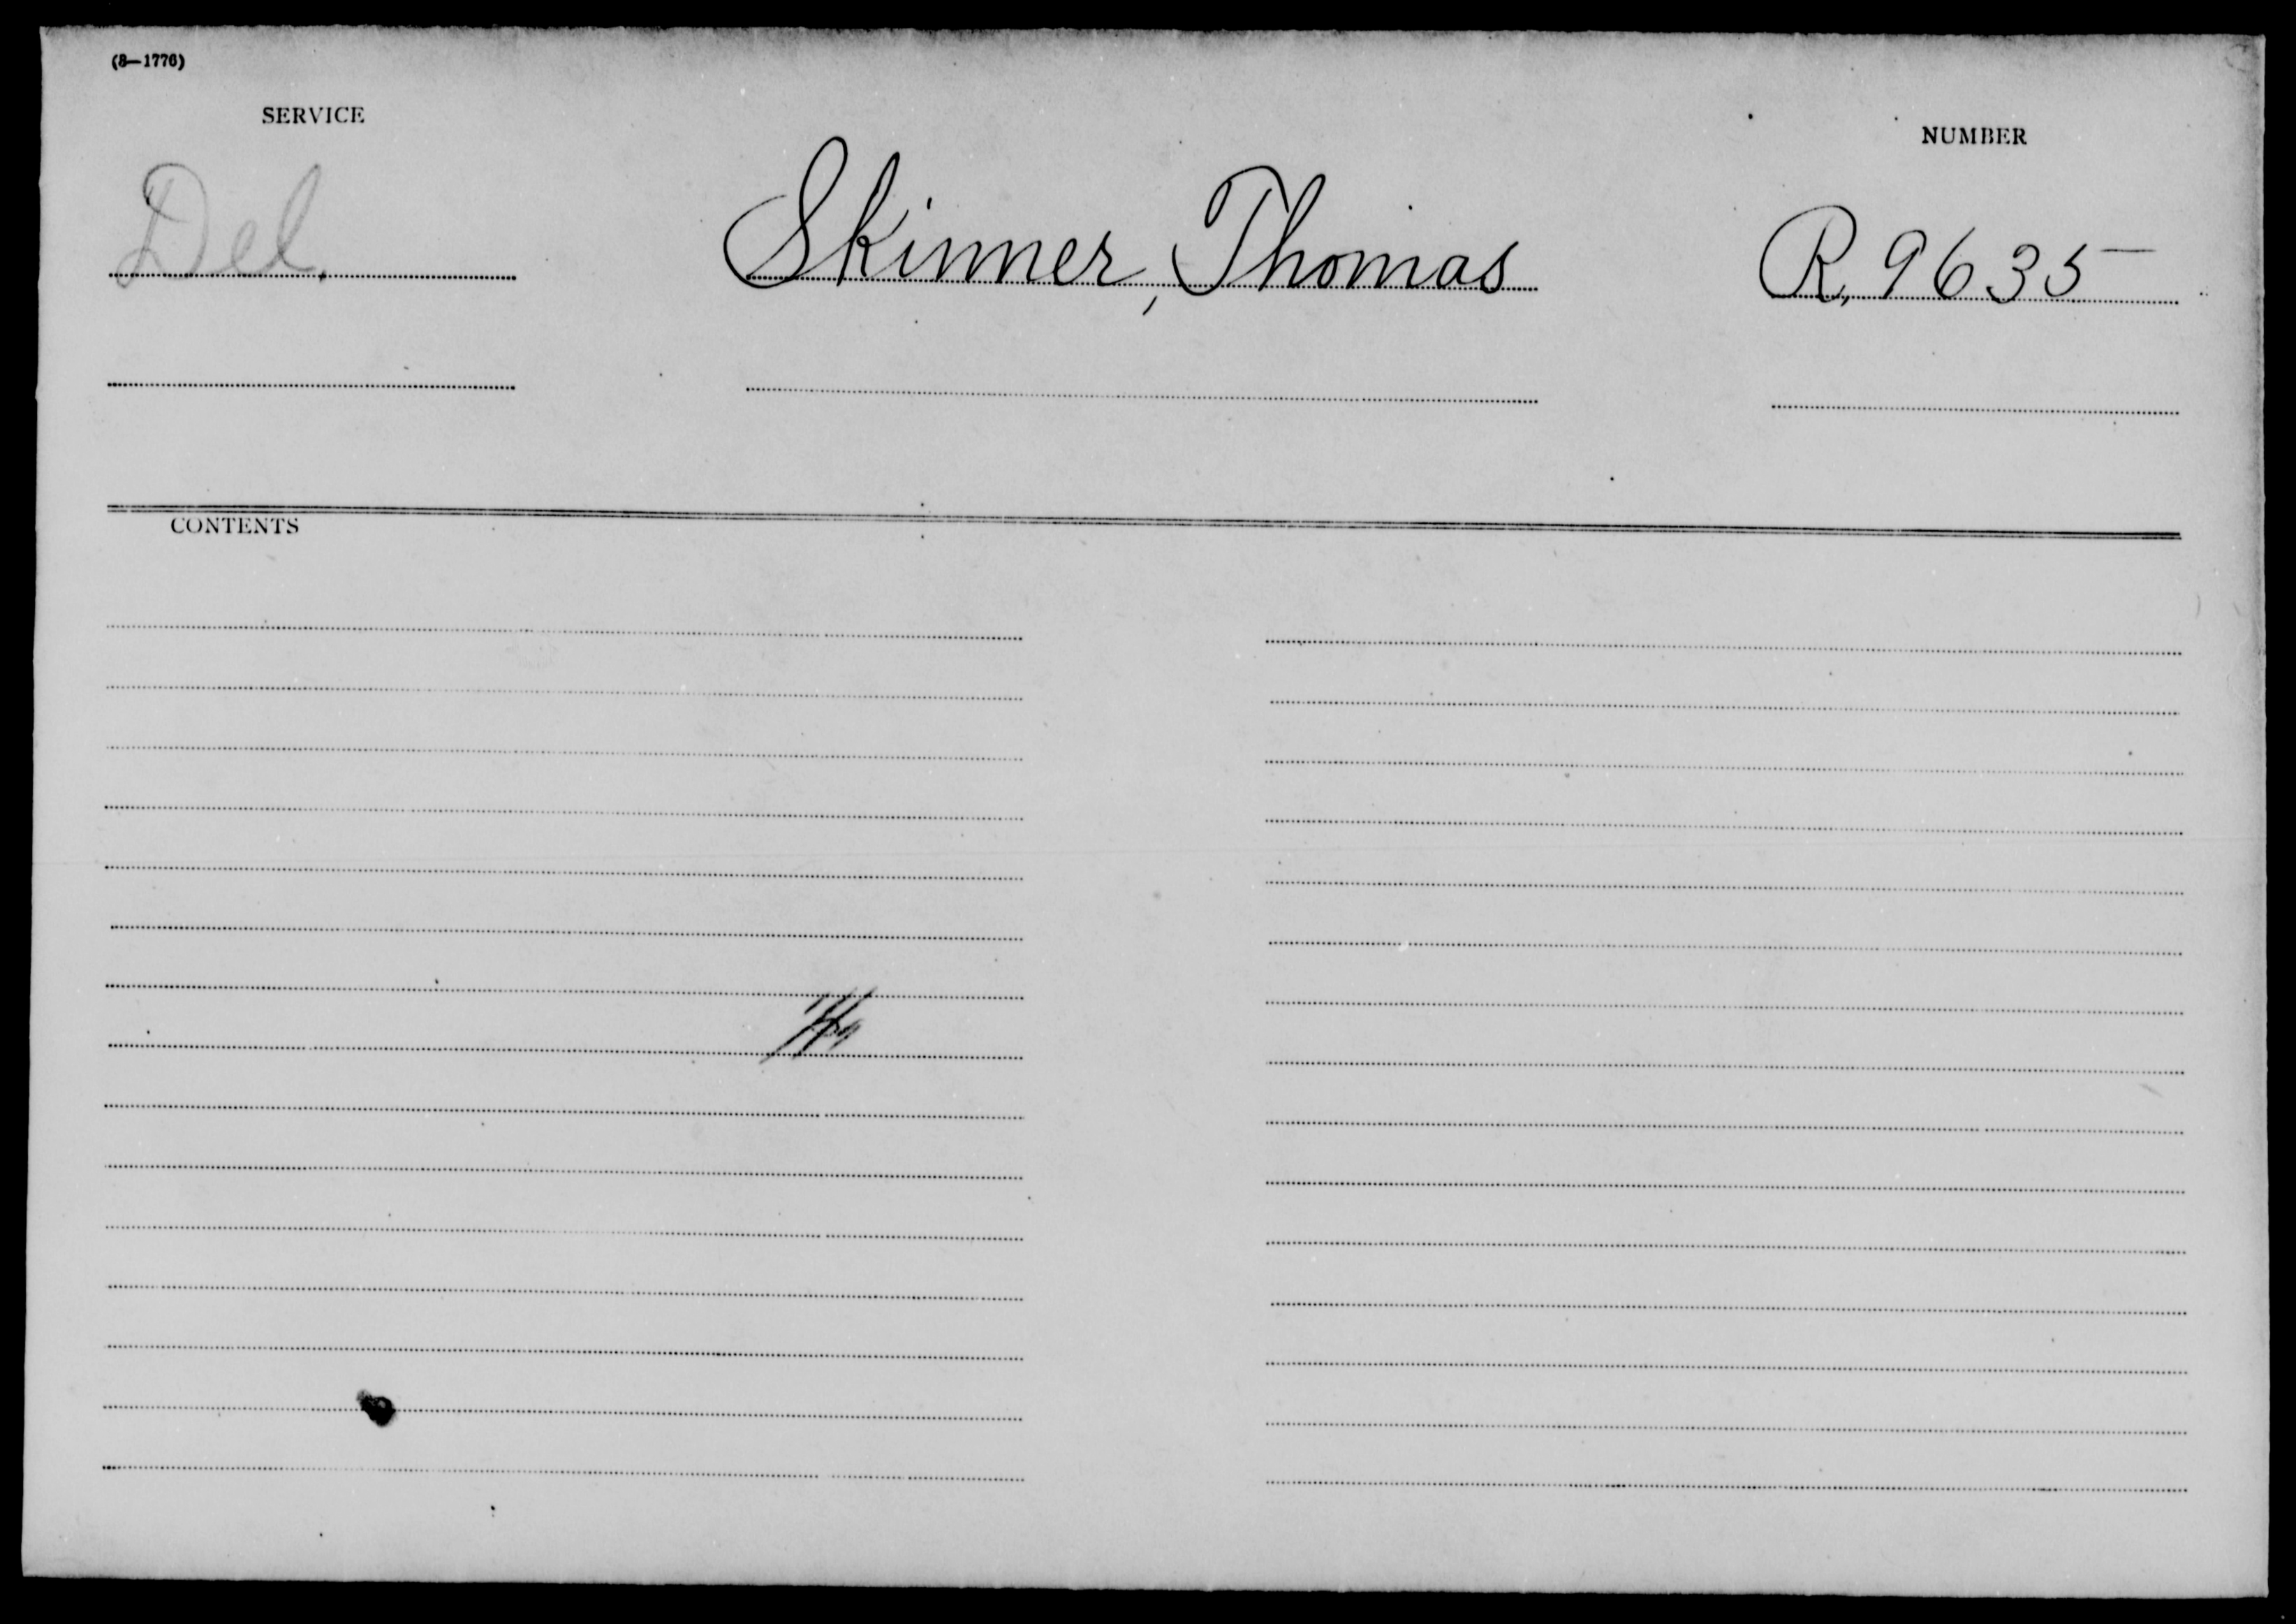(3-1776)
Service
Del.

Skinner, Thomas

Number
R.9635

Contents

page: 1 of 33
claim: rejected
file: R. 9635, for Thomas Skinner, Delaware